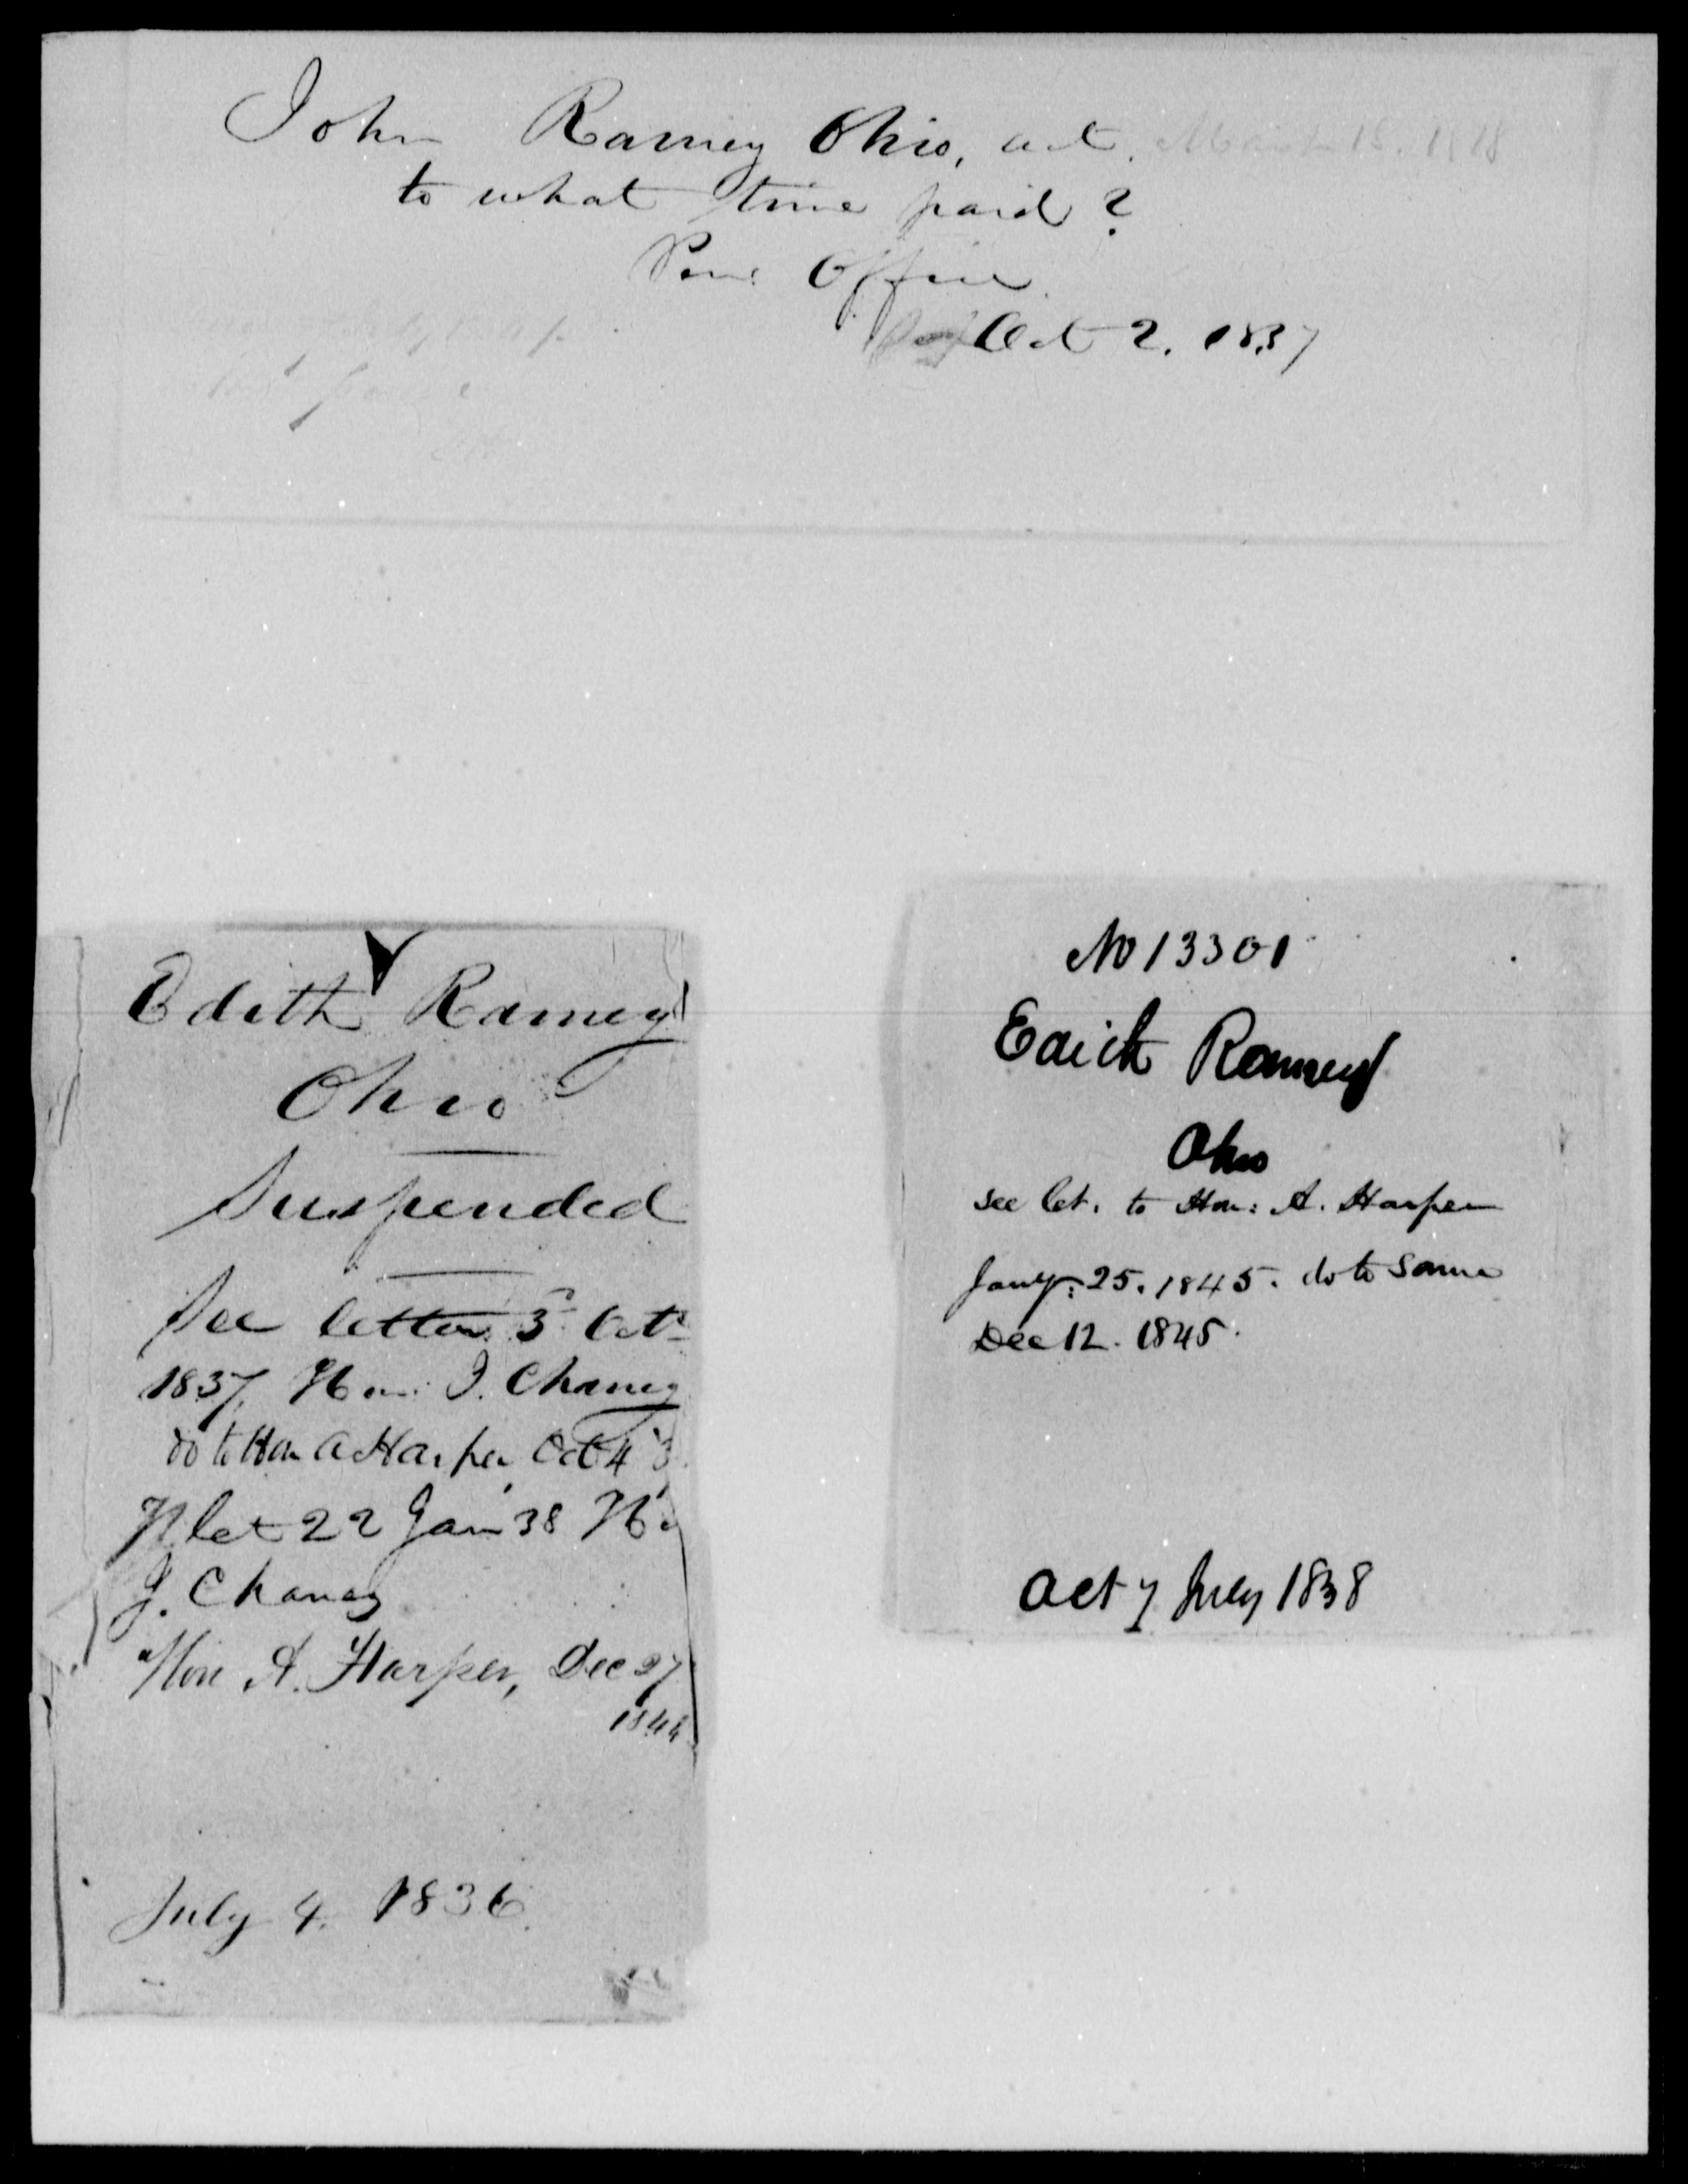John Ramey  Ohio __
to what time? 
Pay Office
Pay  Oct 2 1837

[2 cards on page]

[card 1]
Edith Ramey
Ohio
Suspended
__ec letter 3 Oct 1837 Hon, J Chaney ___ A Harper Oct 4 '3_  _let 22 Jan '38  __ J. Chaney 
Hon A Harper, Dec 27, 1844

July 4, 1836

[card 2]
no 13301
Edith Ramey
Ohio
see let. to Hon. A. Harper
Jany 25, 1845 do to Sa- ___
Dec 12 1875 

Act July 7 1838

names: J Chaney; A Harper; Edith Ramey; A Harper; Edith Ramey; J Chaney; A Harper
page: 18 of 84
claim: widow's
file: W.11104, for John Remay, Virginia